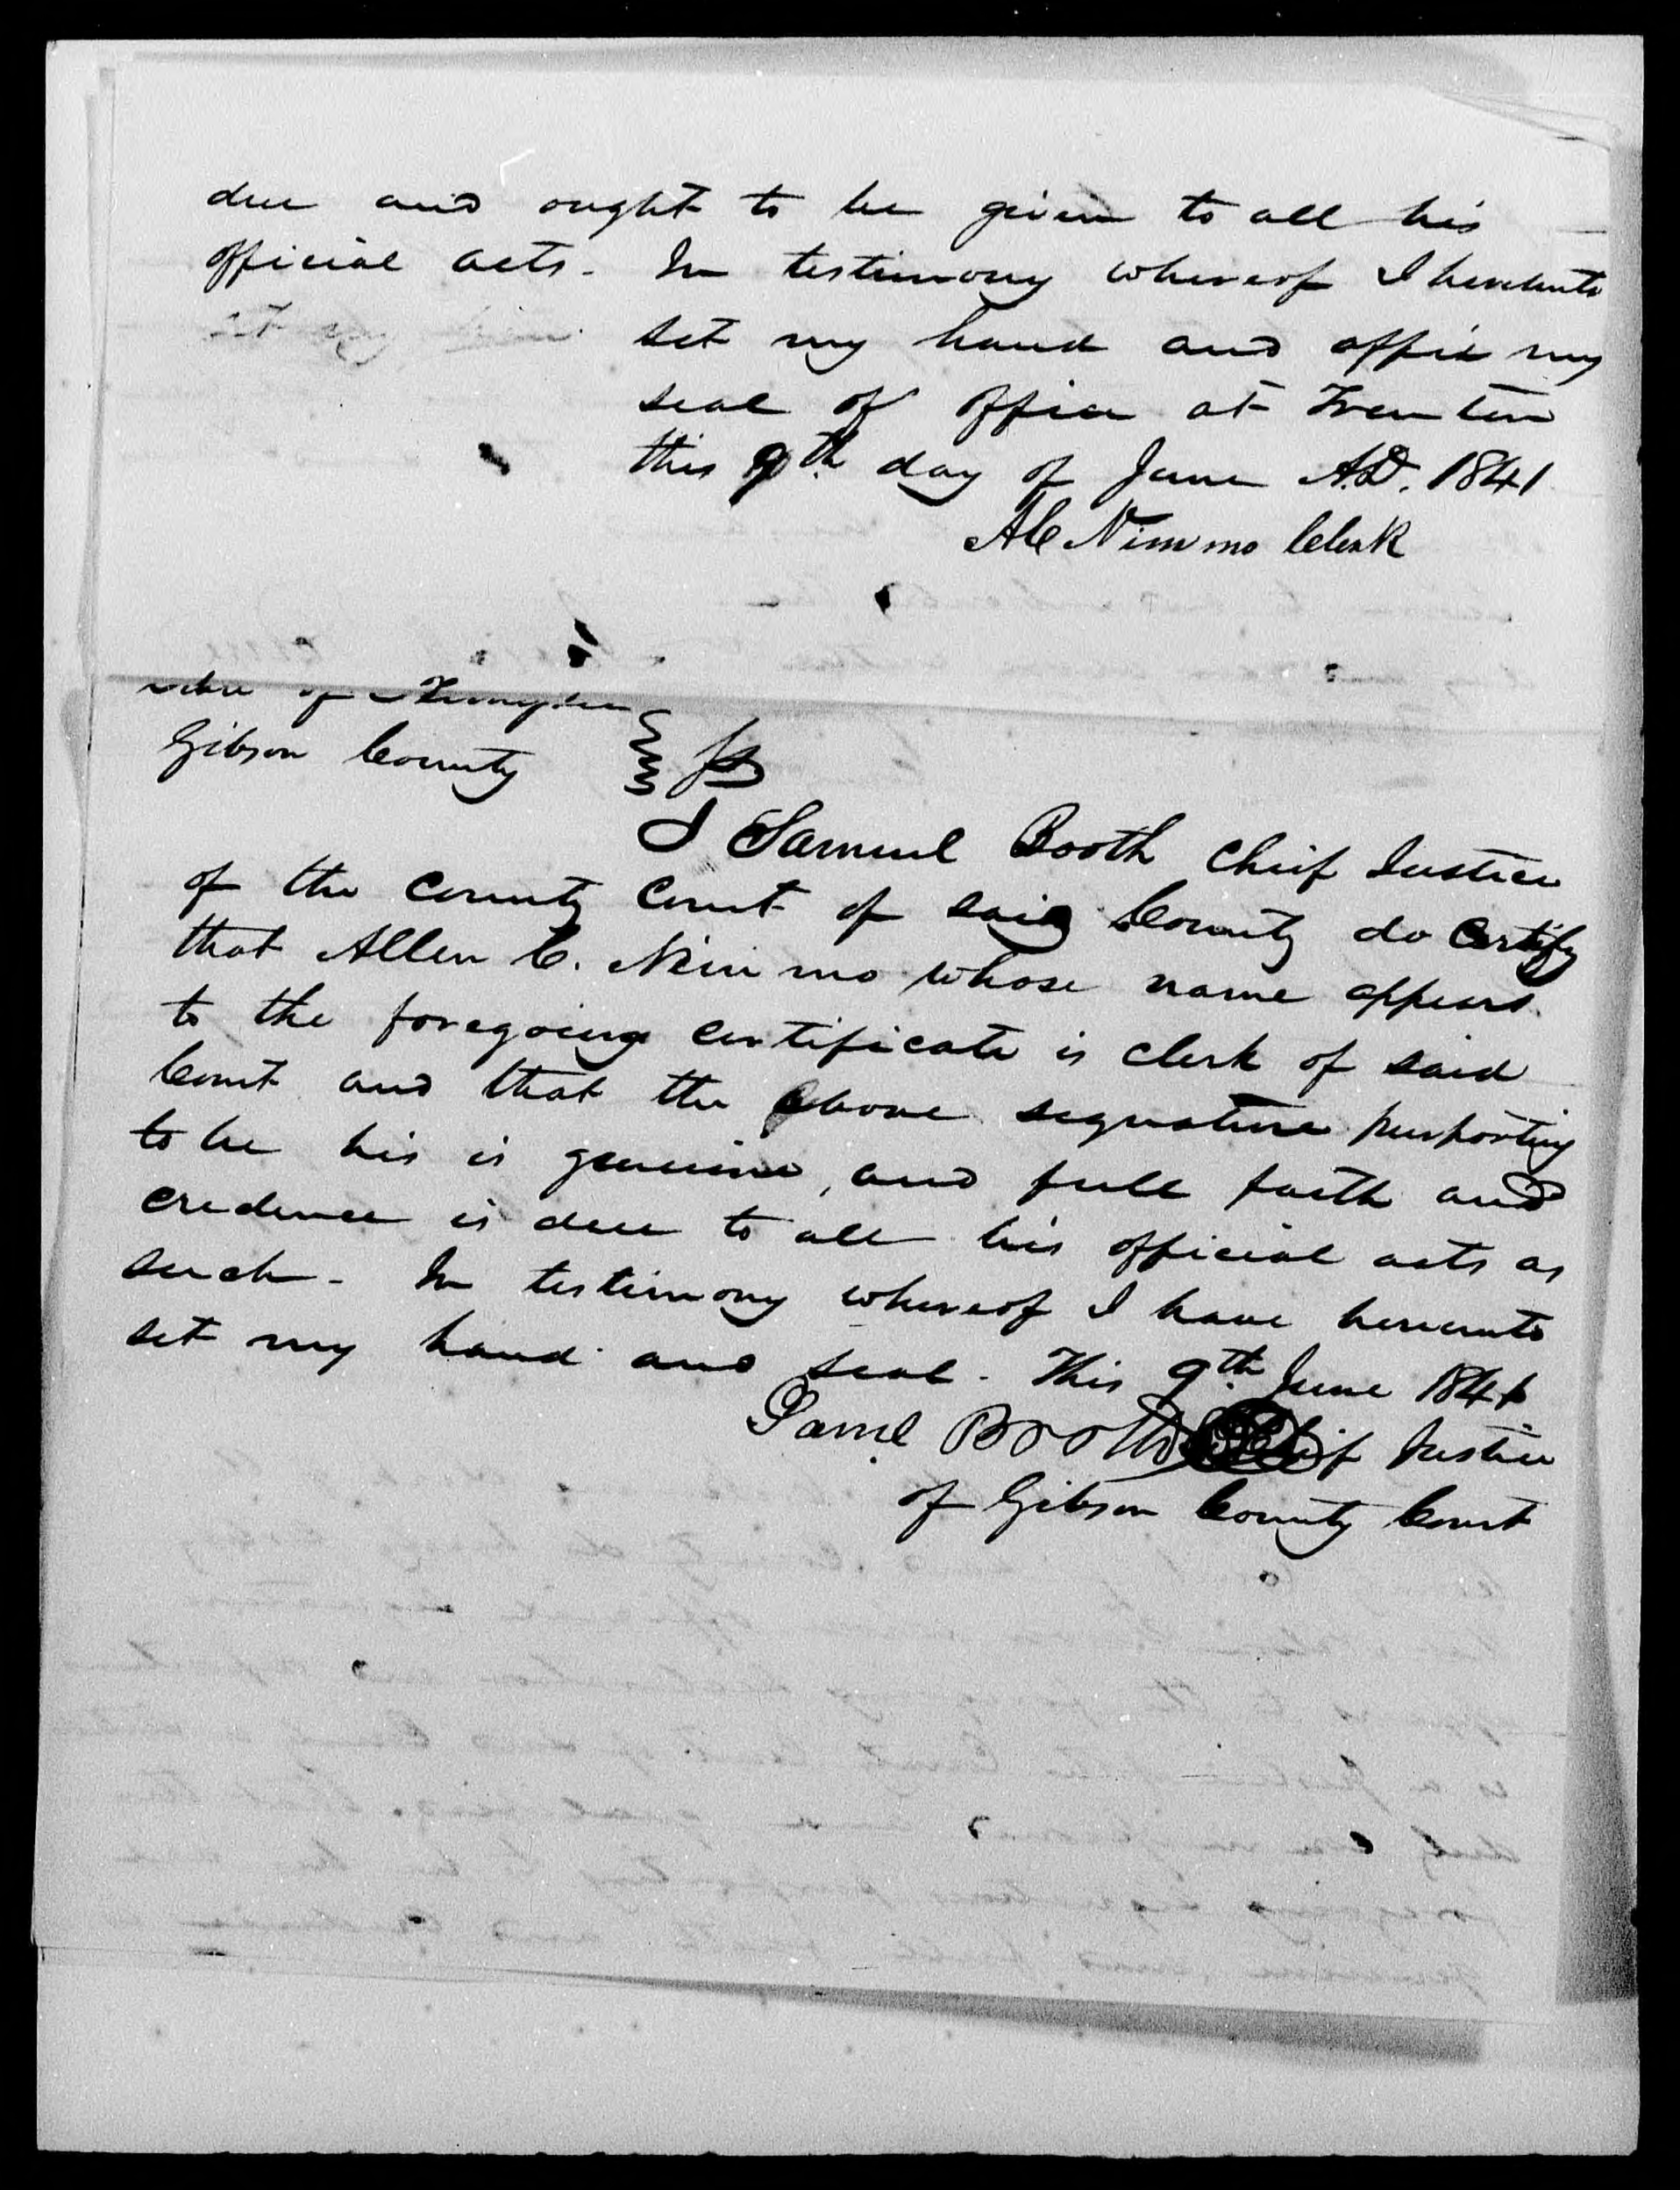due and ought to be given to all his
official acts. 
In testimony whereof I hereunto
set my hand and affix my
seal of office at Trenton
this 9th day of June A.D. 1841
A  C Nimmo Clerk

State of Tennessee⎬
Gibson County        ⎬
I Samuel Booth Chief Justice
of the County Court of said County do certify
that Allen C. Nimmo whose name appears
to the foregoing certificate is Clerk of said
Court and that the above signature purporting
to be his is genuine, and full faith and
credence is due to all his official acts as
such- 
In testimony whereof I have hereunto
set my hand and seal. This 9th June 1841
Saml Booth Justice
of Gibson County Court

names: Saml Booth, A C Nimmo, Samuel Booth, Allen C Nimmo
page: 20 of 72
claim: widow's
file: W. 897, Thomas Broughton, S.C.